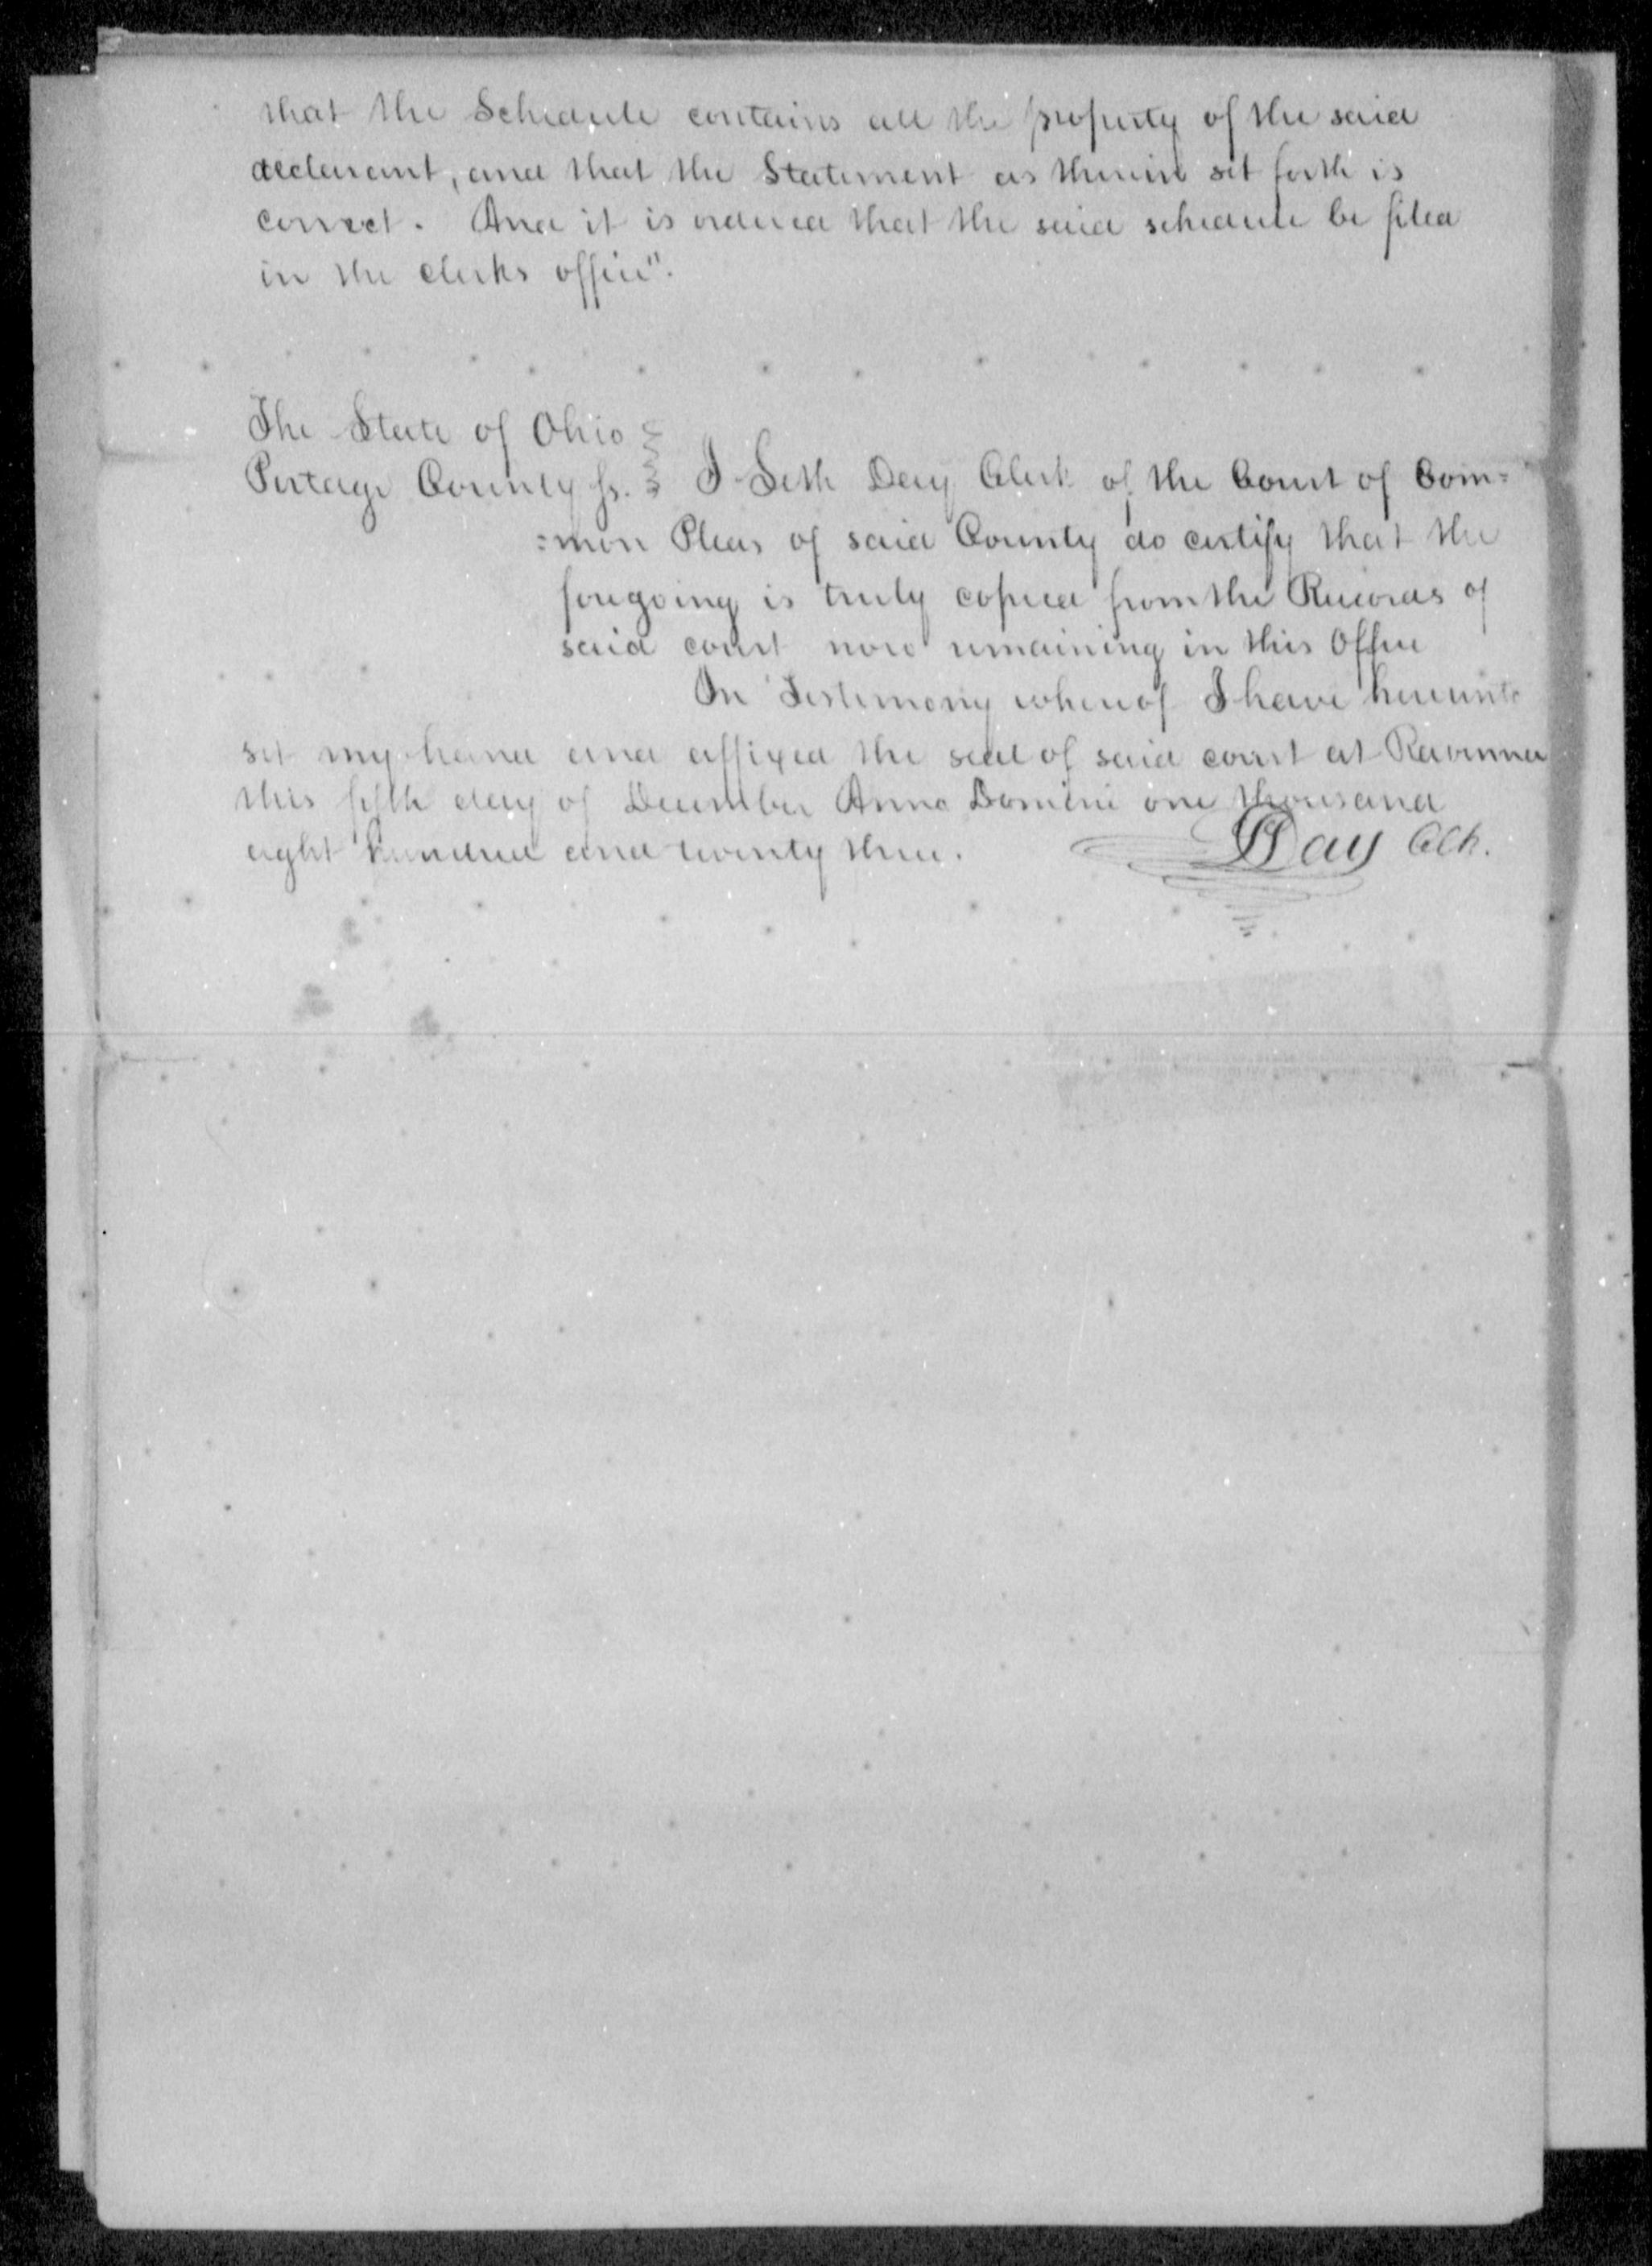that the Schedule contains all the property of the said declarant, and that the statement as therein set forth is correct. And it is ordered that the said schedule be filed in the clerks [sic] office."
The State of Ohio 
Portage County Ss.}  I Seth Day Clerk of the Court of Common Pleas of said County do certify that the foregoing is truly copied from the Records of
said court now remaining in this office
In Testimony whereof I have hereunto
set my hand and affixed the seal of said court at Ravenna this fifth day of December Anno Domini 
one thousand eight hundred and twenty three.
S Day Clk. [CLERK]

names: Seth Day; S Day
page: 35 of 109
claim: widow's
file: W. 5709, for Thomas Richards, New Hampshire